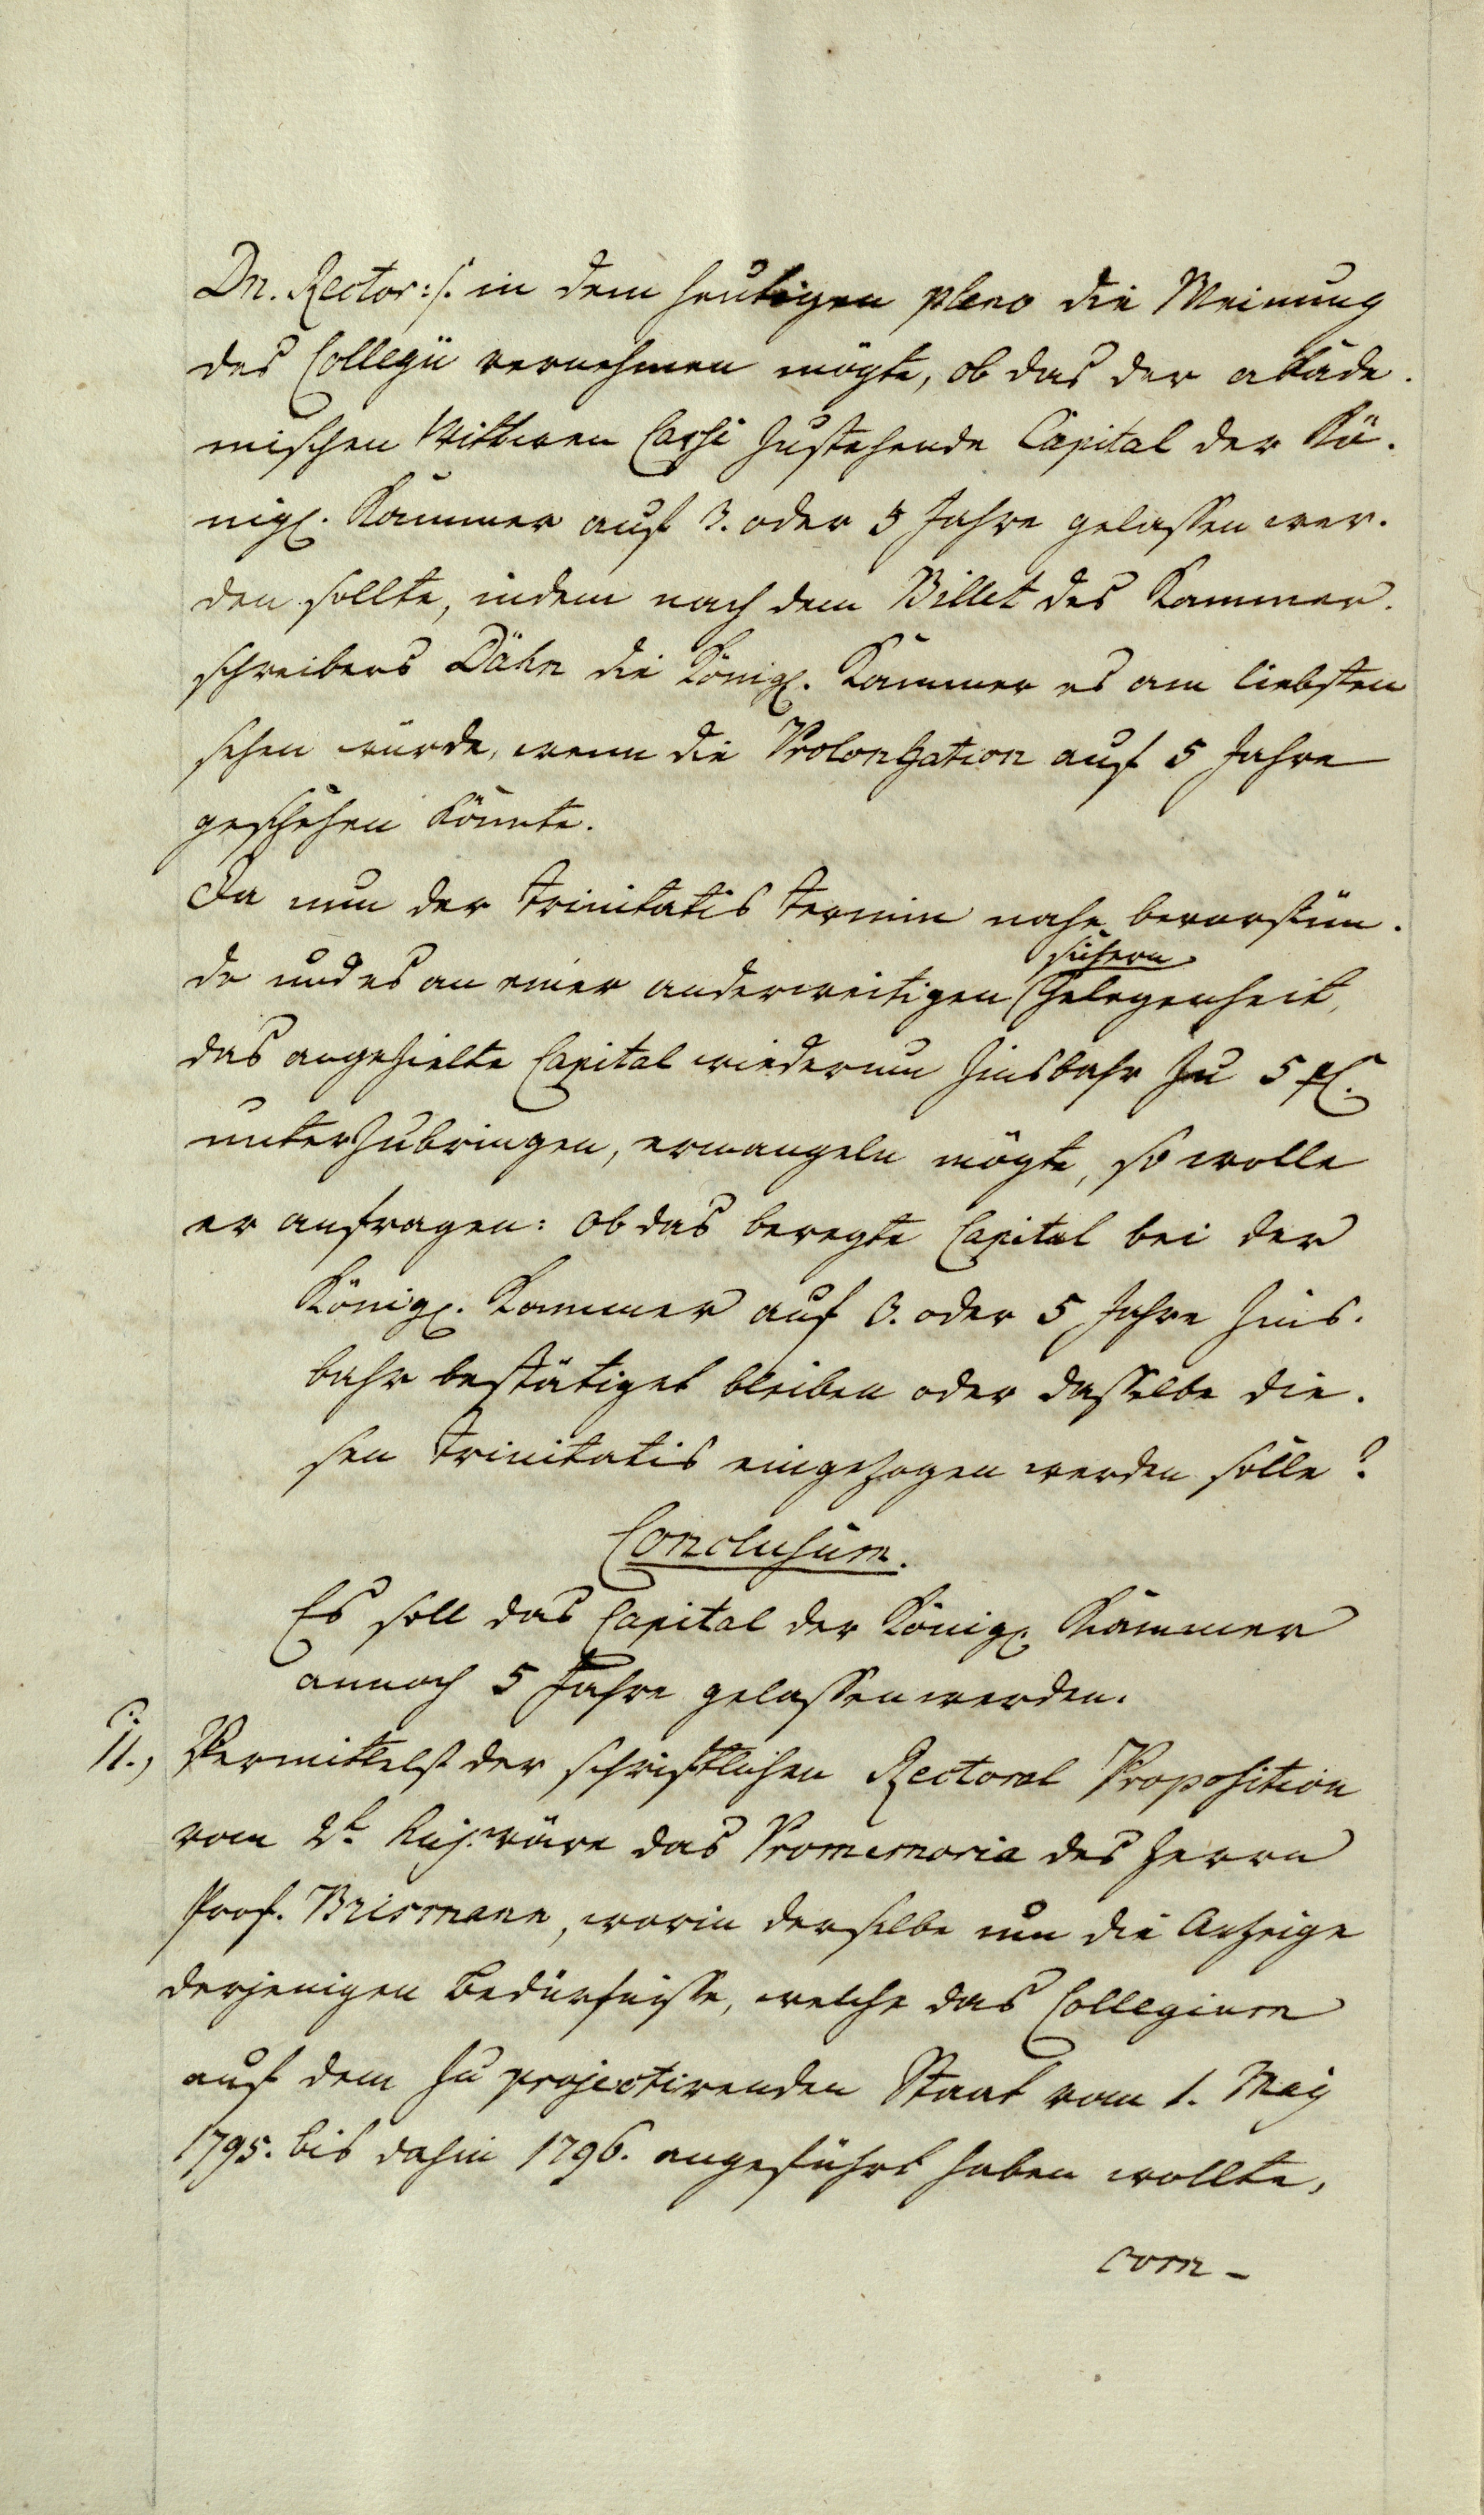Dn Rector :/. in dem heutigen pleno die Meinung
des Collegii vernehmen möchte, ob das der akade¬
mischen Wittwen Casse zustehende Capital der Kö¬
nigl. Kammer auf 3. oder 5 Jahre gelassen wer¬
den sollte, indem nach dem Billet des Kammer¬
schreibers Dähn die Königl. Kammer es am liebsten
sehen würde, wenn die Prolongation auf 5 Jahre
geschehen könnte.
Da nun der Trinitatis Termin nahe bevorstün¬
sichern
de und es an einer anderweitigen Gelegenheit,
das angezielte Capital wiederum zinsbahr zu 5 xxx
unterzubringen, ermangeln möchte, so wolle
er anfragen: Ob das berechte Capital bei der
Königl. Kammer auf 3. oder 5 Jahre zins¬
bahr bestätiget bleiben oder dasselbe die¬
sen Trinitatis eingezogen werden solle?
Conclusum.
Es soll das Capital der Königl. Kammer
annoch 5 Jahre gelassen werden.
11., Vermittelß der schriftlichen Rectoral Proposition
vom 2t. huj. wäre das Promemoria des Herrn
Prof. Brismann, worin derselbe um die Anzeige
derjenigen Bedürfnisse, welche das Collegium
auf dem zu projectirenden Staat vom 1. Maÿ
1795. bis dahin 1796. angeführt haben wollte,
com¬